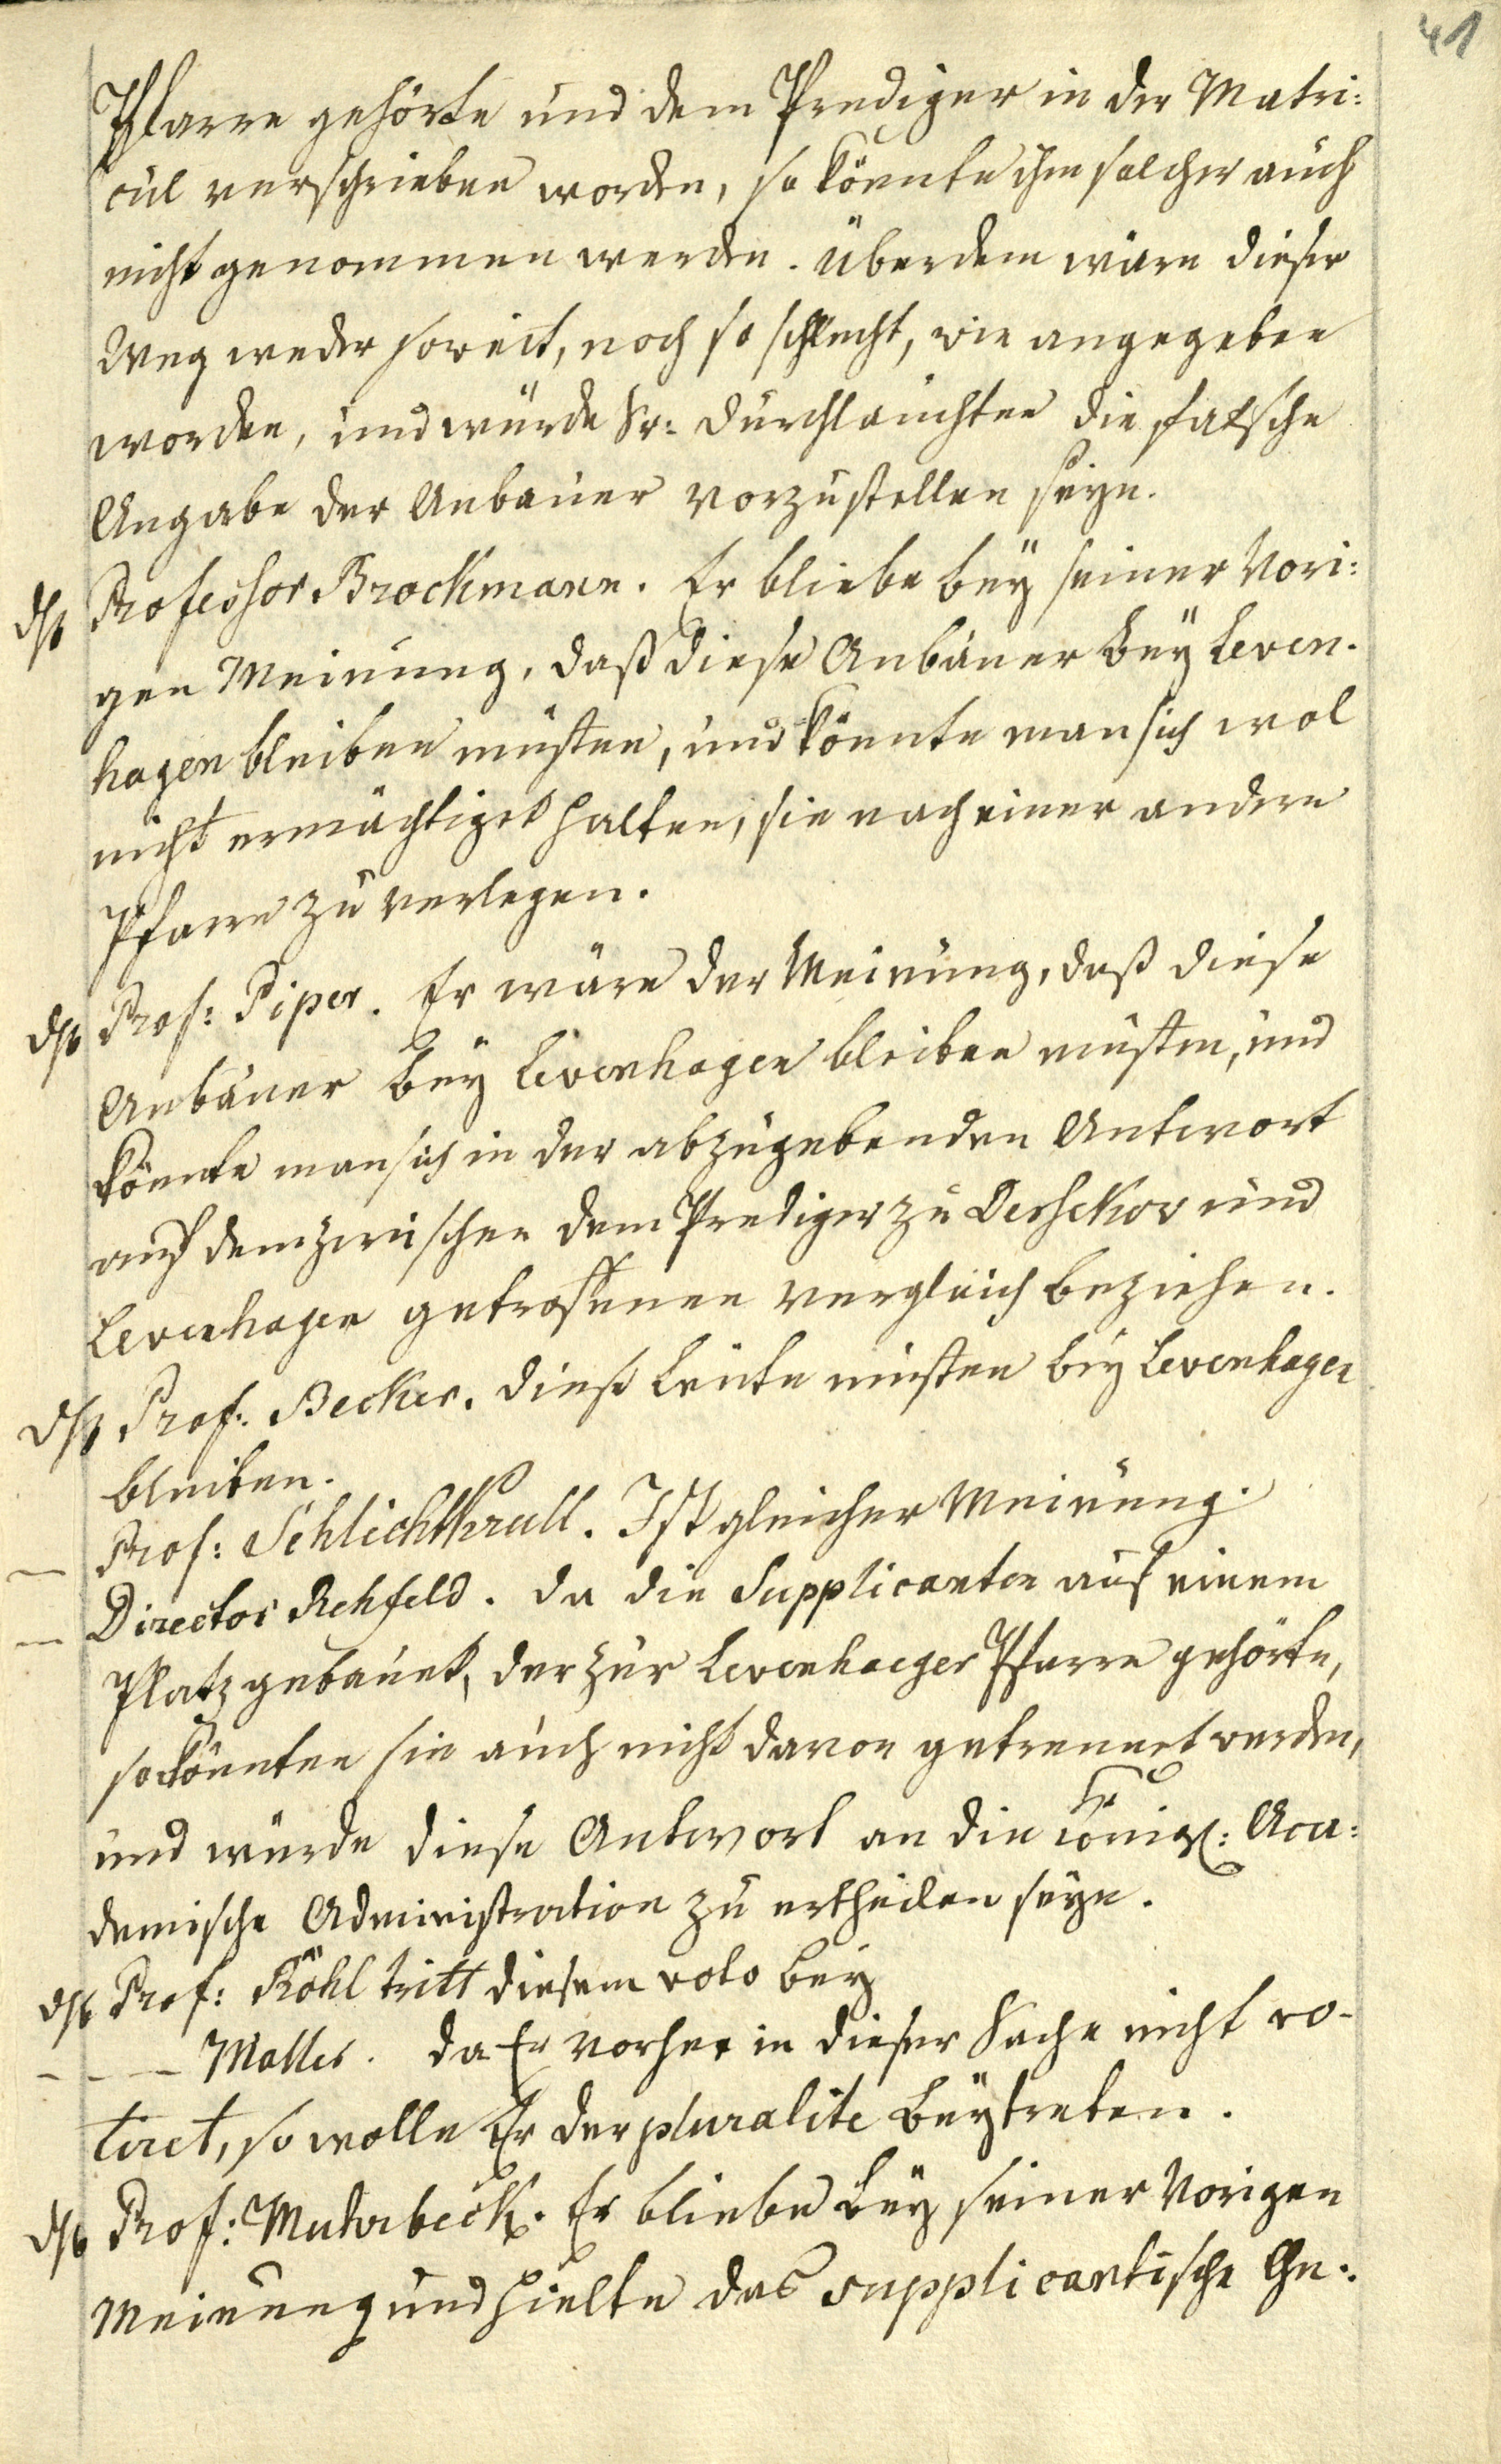Pfarre gehörte und dem Prediger in der Matri¬
cul verschrieben worden, so könnte ihm solcher auch
nicht genommen werden. Überdem wäre dieser
Weg weder soweit, noch so schlecht, wie angegeben
worden, und würde Sr Durchlauchten die falsche
Angabe der Anbauer vorzustellen seÿn.
dh Professor Brockmann. Er bliebe beÿ seiner vori¬
gen Meinung, daß diese Anbauer beÿ Leven¬
hagen bleiben müsten, und könnte man sich wol
nicht ermächtiget halten, die nach einer andern
Pfarre zu verlegen.
dh Prof. Piper Er wäre der Meinung, daß diese
Anbauer beÿ Levenhagen bleiben müsten, und
könnte man sich in der abzugebenden Antwort
auf dem zwischen dem Prediger zu Dersekow und
Levenhagen getroffenen Vergleich beziehen.
dh Prof. Becker, diese Leute müsten beÿ Levenhagen
bleiben.
Prof. Schlichtkrull. Ist gleicher Meinung.
Director Rehfeld. Da die Supplicanten auf einem
Platz gebauet, der zur Levenhaeger Pfarre gehörte,
so könnten sie auch nicht davon getrennet werden,
und würde diese Antwort an die Königl. Aca¬
demische Administration zu ertheilen seÿn.
dh Prof. Röhl tritt diesem voto beÿ
Möller. da Er vorher in dieser Sache nicht vo¬
tiret, so wolle Er der pluralite beÿtreten.
dh Prof. Muhrbeck. Er bliebe beÿ seiner vorigen
Meinung und hielte das supplicantische Ge¬